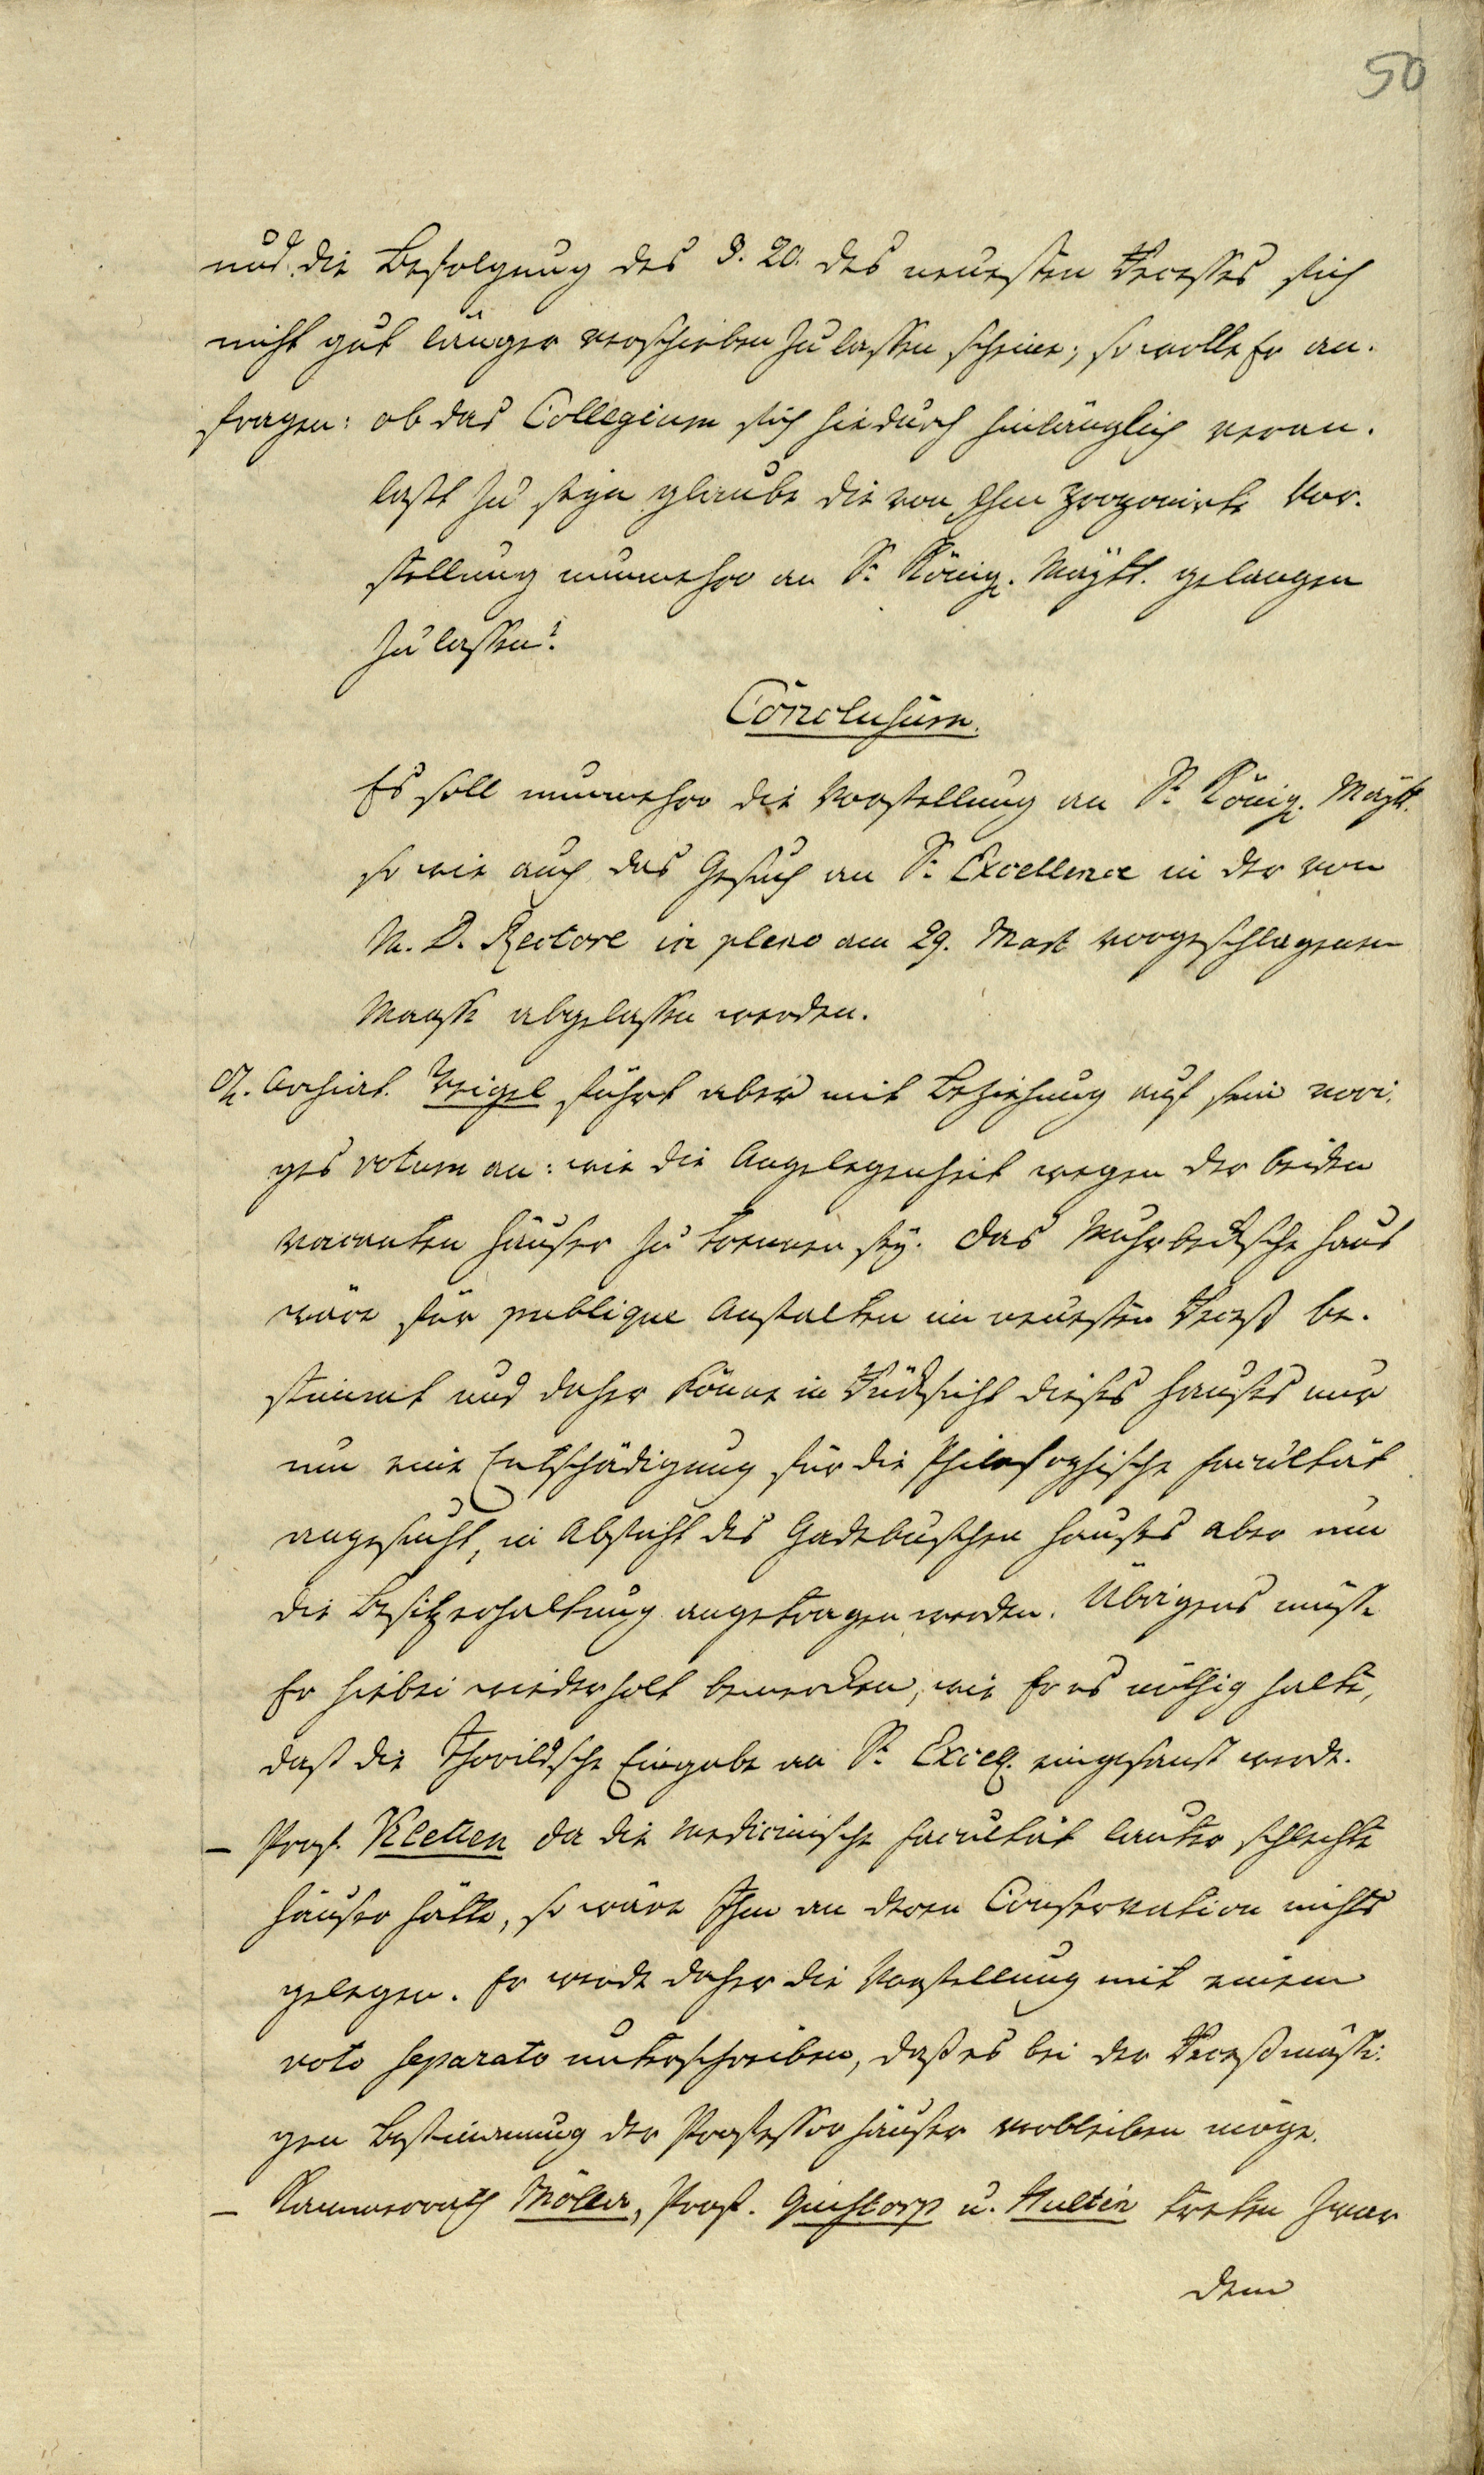und die Befolgung des §. 20 des neuesten Recesses sich
nicht gut länger verschieben zu lassen scheine; so wolle Er an¬
fragen: ob das Collegium sich hiedurch hinlänglich veran¬
laßt zu seÿn glaube die von Ihm proponirte Vor¬
stellung nunmehro an Sr. König. Maÿtt. gelangen
zu lassen?
Conclusum
Es soll nunmehro die Vorstellung an Sr König. Maÿtt.
so wie auch das Gesuch an Sr Excellence in der von
M. D. Rectore in pleno am 29. Mart vorgeschlagenen
Maasse abgelassen werden.
dh. Archiat Weigel führt aber mit Beziehung auf sein vori¬
ges votum an: wie die Angelegenheit wegen der beiden
vacanten Häuser zu trennen seÿ. Das Muhrbecksche Haus
wäre für publique Anstalten im neuesten Receß be¬
stimmt und daher könne in Rücksicht dieses Hauses nur
um eine Entschädigung für die Philosophische Facultät
angesucht, in Absicht des Gadebuschen Hauses aber um
die Besitzerhaltung angetragen werden. Übrigens müsse
Er hiebei wiederholt bemercken, wie Er es nöthig halte,
daß die Thorildsche Eingabe an Sr. Excell. eingesandt werde.
Prof. Kletten da die Medicinische Facultät lauter schlechte
Häuser hätte, so wäre Ihm an deren Conservation nichts
gelegen. Er werde daher die Vorstellung mit einem
voto separato unterschreiben, daß es bei der Receßmässi¬
gen Bestimmung der Professor Häuser verbleiben möge.
Kammerrath Möller, Prof. Quistorp u. Hultén treten zwar
dem